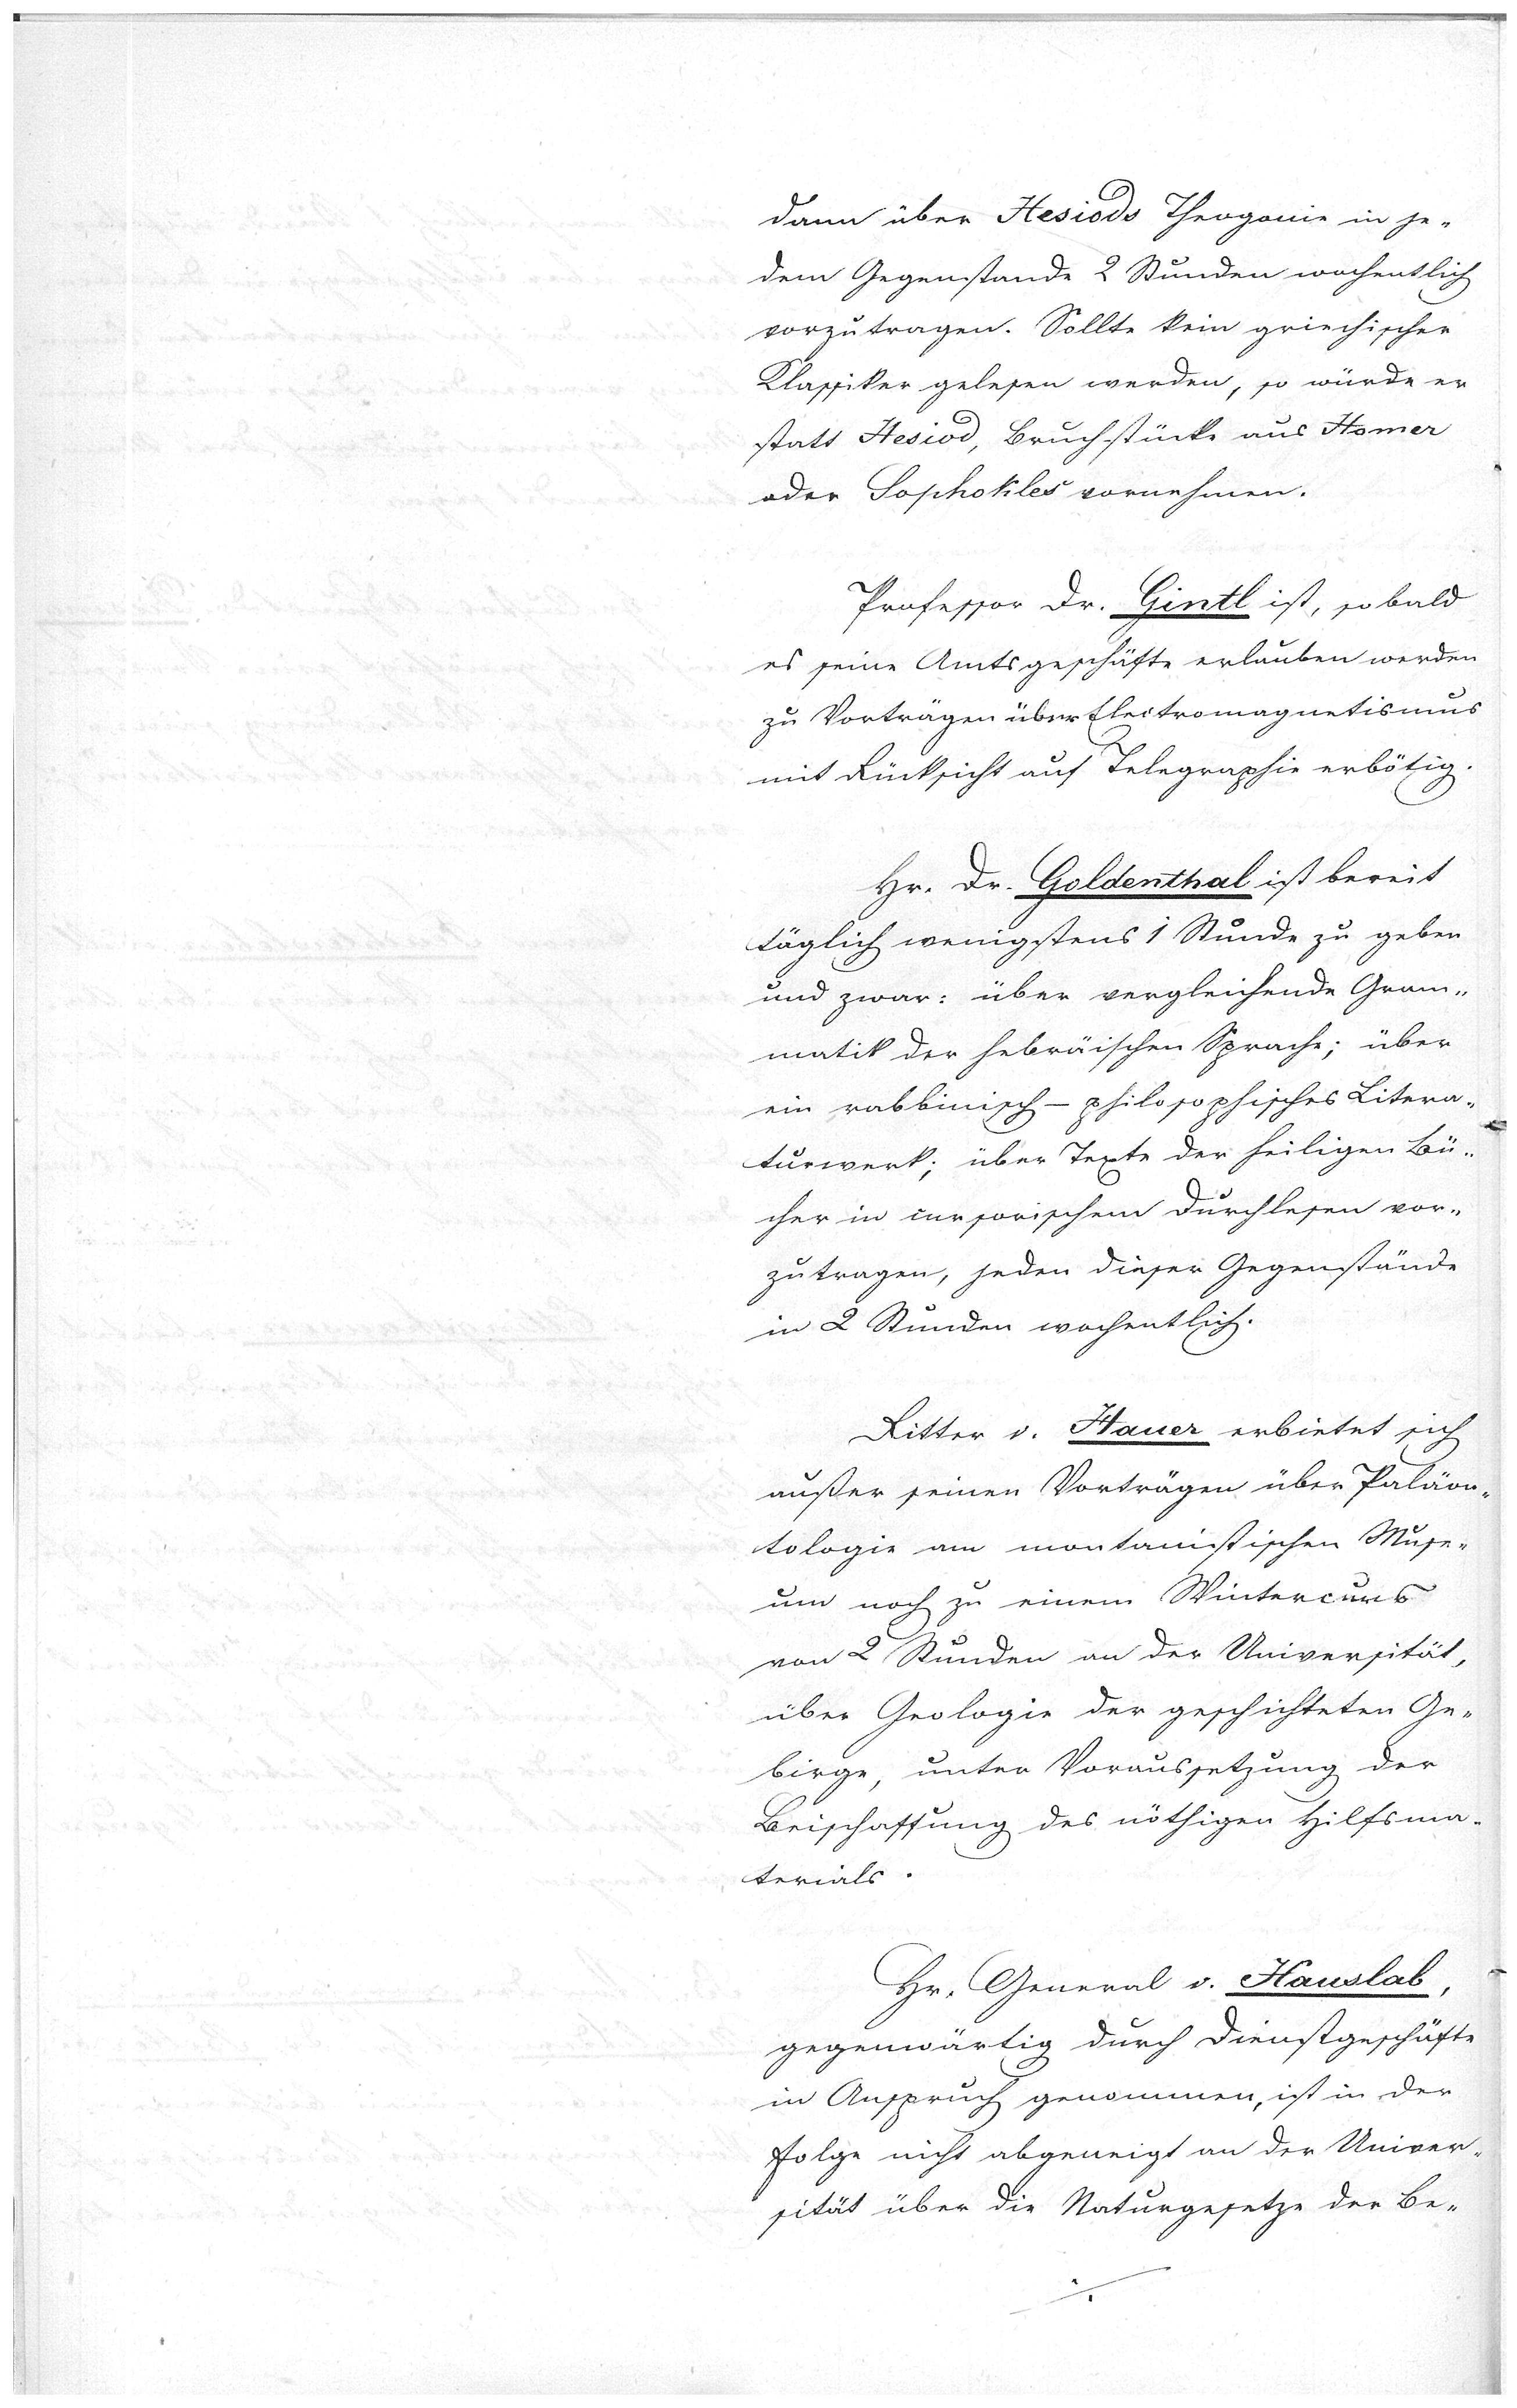dann über Hesiods Theogonie in je-
dem Gegenstande 2 Stunden wochentlich
vorzutragen. Sollte kein griechischer
Klassiker gelesen werden, so würde er
statt Hesiod, Bruchstücke aus Homer
oder Sophokles vornehmen.
Professor Dr. Gintl ist, sobald
es seine Amtsgeschäfte erlauben werden
zu Vorträgen über Electromagnetismus
mit Rücksicht auf Telegraphie erbötig.
Hr. Dr. Goldenthal ist bereit
täglich wenigstens 1 Stunde zu geben
und zwar: über vergleichenden Gram-
matik der hebräischen Sprache; über
ein rabbinisch-philosophisches Litera-
turwerk; über Texte der heiligen Bü-
cher in cursorischem Durchlesen vor-
zutragen, jeden dieser Gegenstände
in 2 Stunden wochentlich.
Ritter v. Hauer erbietet sich
außer seinen Vorträgen über Paläon-
tologie am montanistischen Muse-
um noch zu einem Wintercurs
von 2 Stunden an der Universität,
über Geologie der geschichteten Ge-
birge unter Voraussetzung der
Beischaffung des nöthigen Hilfsma-
terials.
Hr. General v. Hauslab
gegenwärtig durch Dienstgeschäfte
in Anspruch genommen, ist in der
Folge nicht abgeneigt an der Univer-
sität über die Naturgesetze der Be-